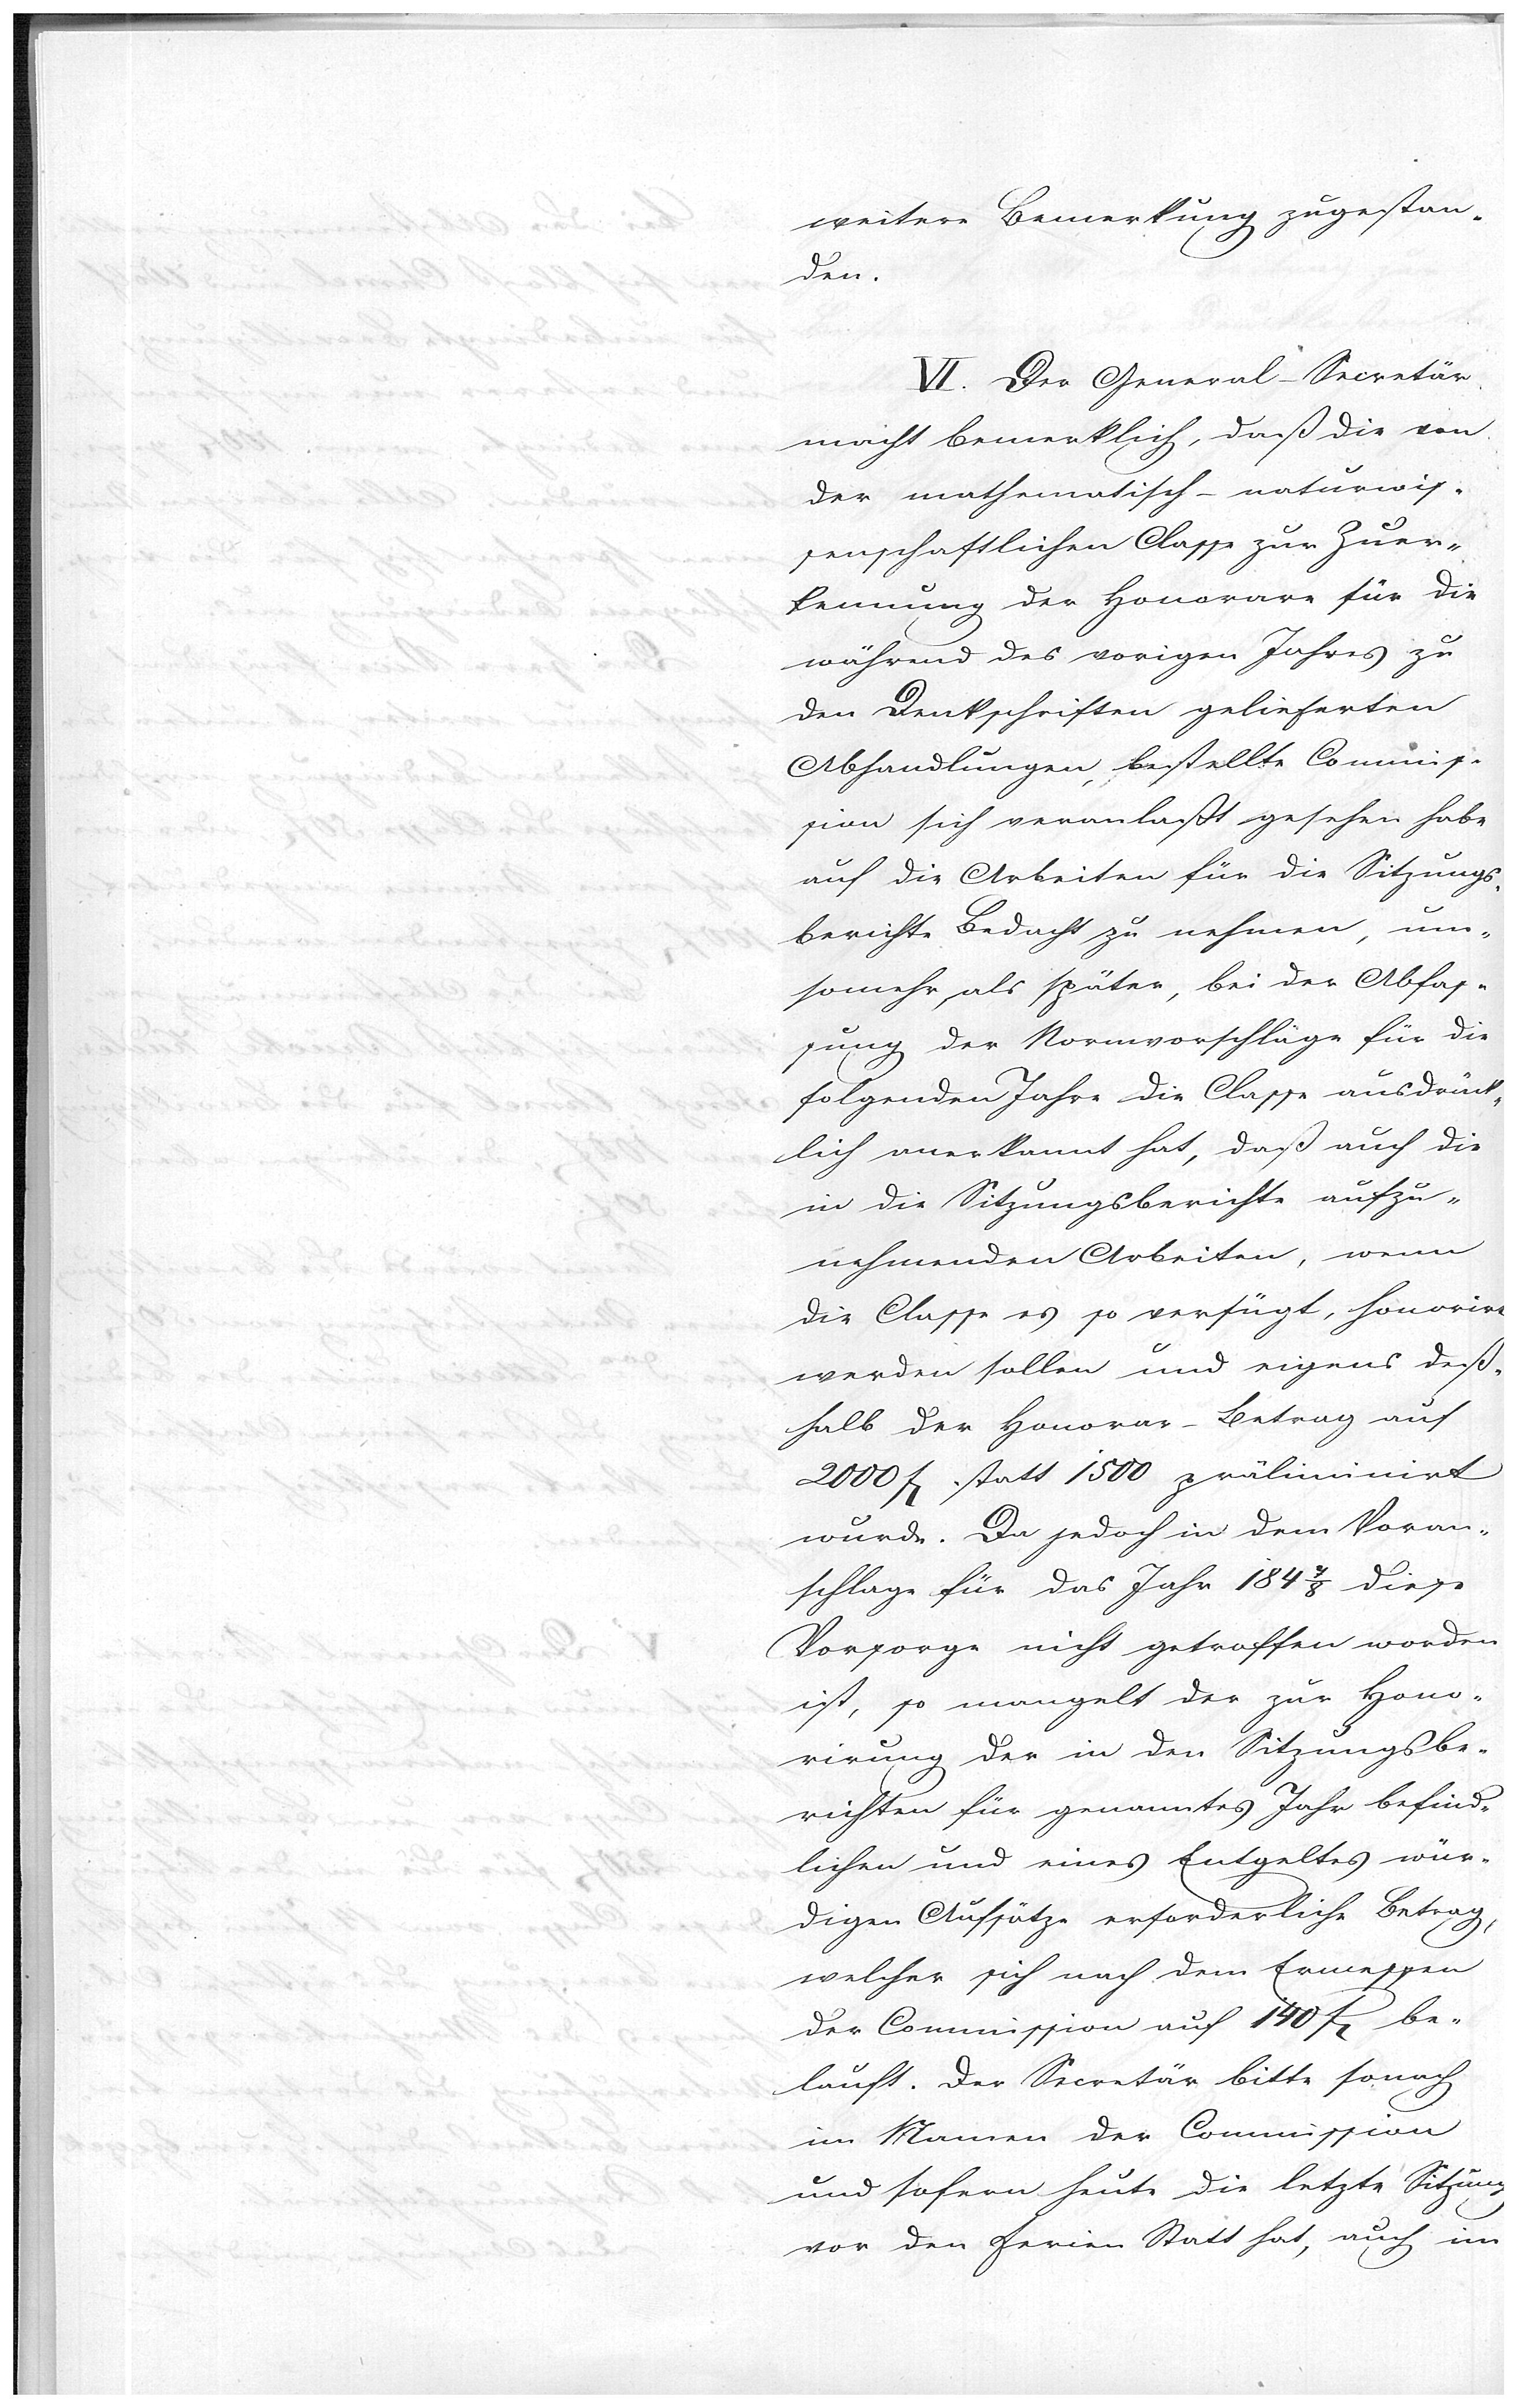weitere Bemerkung zugestan-
den.
VI. Der General-Secretär
macht bemerklich, daß die von
der mathematisch-naturwis-
senschaftlichen Classe zur Zuer-
kennung der Honorare für die
während des vorigen Jahres zu
den Denkschriften gelieferten
Abhandlungen, bestellte Commis-
sion sich veranlaßte gesehen habe
auf die Arbeiten für die Sitzungs-
berichte Bedacht zu nehmen, um-
somehr, als später, bei der Abfas-
sung der Normvorschläge für die
folgenden Jahre die Classe ausdrück-
lich anerkannt hat, daß auch die
in die Sitzungsberichte aufzu-
nehmenden Arbeiten, wenn
die Classe es so verfügt, honorirt
werden sollen und eigens deß-
halb der Honorar-Betrag auf
2000 fl statt 1500 präliminirt
wurde. Da jedoch in dem Voran-
schlage für das Jahr 1847/8 diese
Vorsorge nicht getroffen worden
ist, so mangelt der zur Hono-
rirung der in den Sitzungsbe-
richten für genanntes Jahr befind-
lichen und eines Entgeltes wür-
digen Aufsätze erforderliche Betrag,
welcher sich nach dem Ermessen
der Commission auf 140 fl be-
lauft. Der Secretär bitte sonach
im Namen der Commission
und sofern laute die letzten Sitzung
vor den Ferien Statt hat, auch im